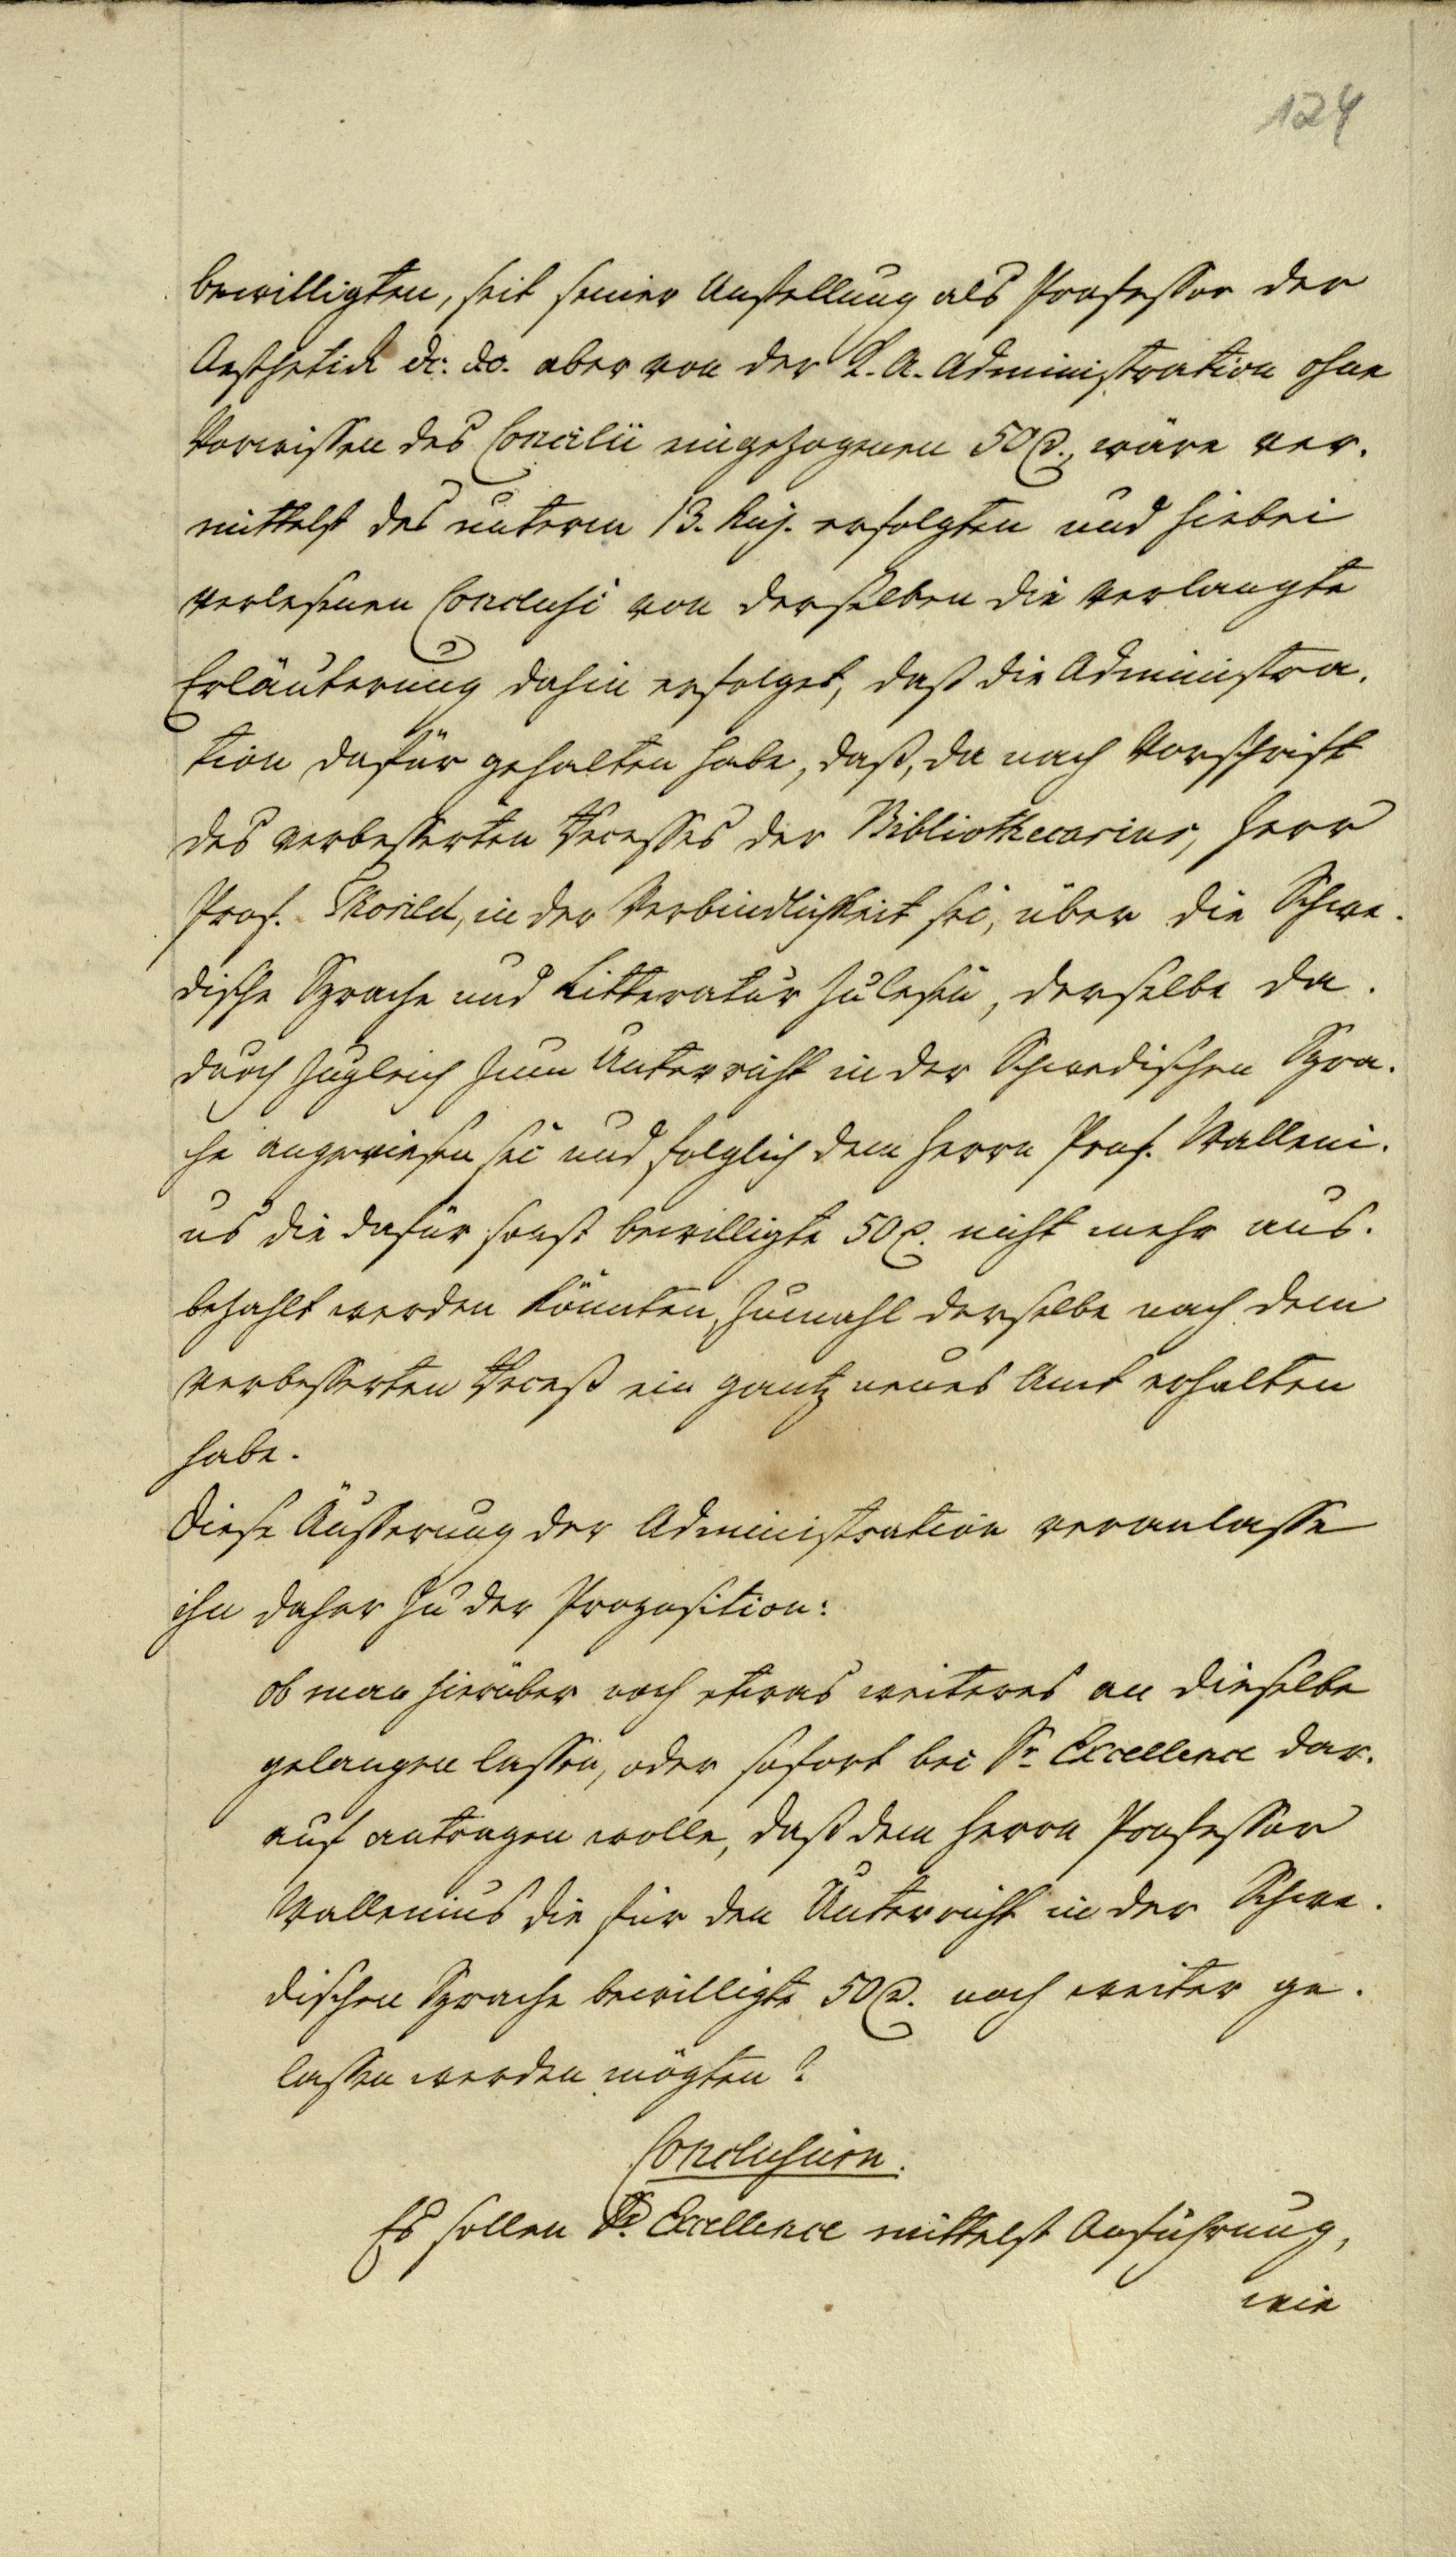bewilligten, seit seiner Anstellung als Professor der
Aesthetick dc. d.o. aber von der K. A. Administration ohne
Vorwissen des Concilii eingezogenen 50 l., wäre ver¬
mittelst des unterm 13. huj. erfolgten und hiebei
verlesenen Conclusi von derselben die verlangte
Erläuterung dahin erfolget, daß die Administra¬
tion dafür gehalten habe, daß, da nach Vorschrift
des verbesserten Recesses der Bibliothecarius, Herr
Prof. Thorild, in der Verbindlichkeit sei, über die Schwe¬
dische Sprache und Litteratur zulesen, derselbe da¬
durch zugleich zum Unterricht in der Schwedischen Spra¬
che angewiesen sei und folglich dem Herrn Prof. Walleni¬
us die dafür sonst bewiligte 50 l. nicht mehr aus¬
bezahlt werden könnten, zumahl derselbe nach dem
verbesserten Receß ein gantz neues Amt erhalten
habe.
Diese Äusserung der Administration veranlasse
ihn daher zu der Proposition:
ob man hierüber noch etwas weiteres an dieselbe
gelangen lassen, oder sofort bei Sr Excellence dar¬
auf antragen wolle, daß dem Herrn Professor
Wallenius die für den Unterricht in der Schwe¬
dischen Sprache bewilligte 50 l. noch weiter ge¬
lassen werden mögten ?
Conclusum.
Es sollen Sr Excellence mittelst Anführung,
wie